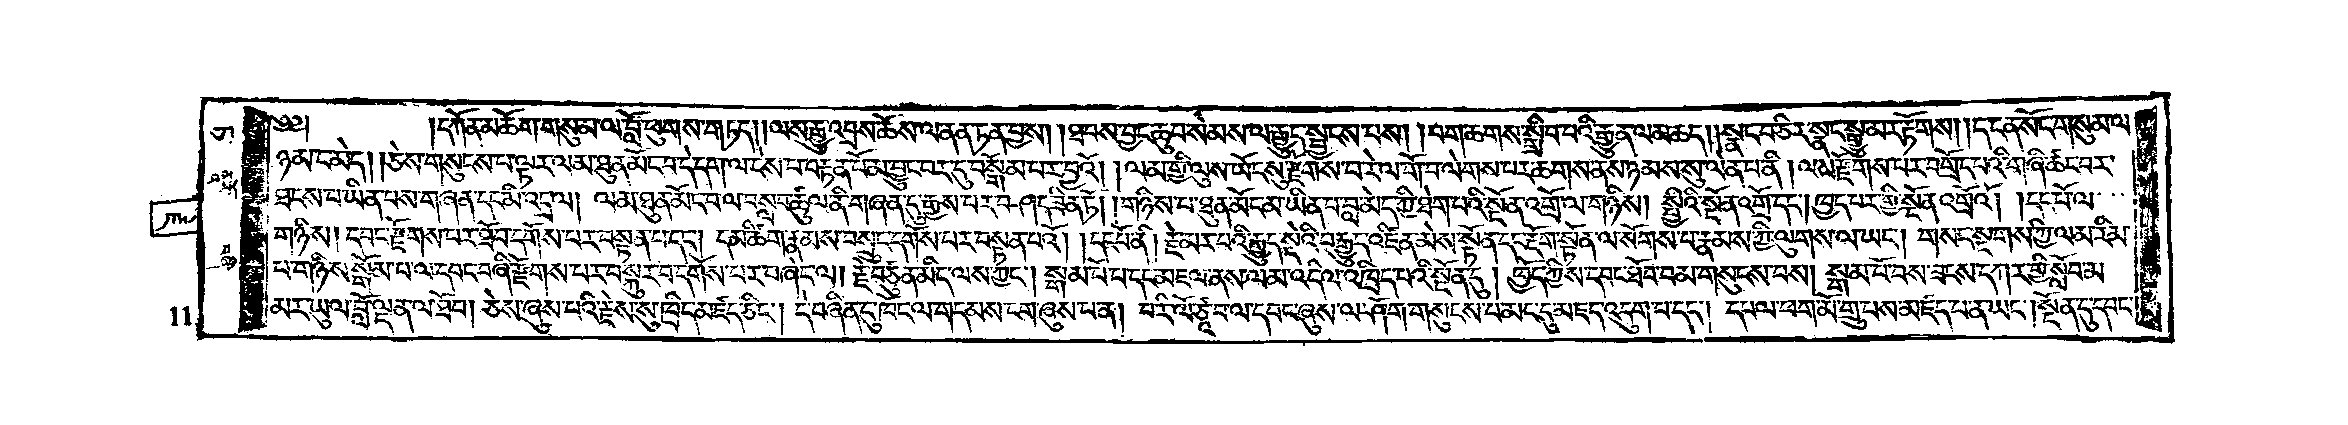༄༅། །དཀོན་མཆོག་གསུམ་ལ་བློ་ཕུགས་གཏད། །ལས་རྒྱུ་འབྲས་ཆོས་ལ་ནན་ཏན་བྱས། །ཐབས་བྱང་ཆུབ་སེམས་ལ་རྒྱུད་སྦྱངས་པས། །བག་ཆགས་སྒྲིབ་པའི་རྒྱུན་ལམ་ཆད། །སྣང་བ་ཅིར་སྣང་སྒྱུ་མར་རྟོགས། །ད་ངན་སོང་གསུམ་ལ་
ཉམ་ང་མེད། །ཅེས་གསུངས་པ་ལྟར་ལམ་ཐུན་མོང་བ་དེ་དག་ལ་ངེས་པ་བརྟན་པོ་མ་བྱུང་བར་དུ་བསྒོམ་པར་བྱའོ། །ལམ་གྱི་ལུས་ཡོངས་སུ་རྫོགས་པ་རེ་ལ་གོ་བ་ལེགས་པར་ཆགས་ནས་ཉམས་སུ་ལེན་པ་ནི། ལམ་རྫོགས་པར་བགྲོད་པའི་གཞི་ཚང་བར་
ཐིངས་?་པ་ཡིན་པས་གཞན་དང་མི་འདྲ་ལ། ལམ་ཐུན་མོང་བ་ལ་བསླབ་ཚུལ་ནི་གཞན་དུ་རྒྱས་པར་བཤད་ཟིན་ཏོ། །གཉིས་པ་ཐུན་མོང་མ་ཡིན་པ་བླ་མེད་ཀྱི་ཐེག་པའི་སྔོན་འགྲོ་ལ་གཉིས། སྤྱིའི་སྔོན་འགྲོ་དང་། ཁྱད་པར་གྱི་སྔོན་འགྲོའོ། །དང་པོ་ལ་
གཉིས། དབང་རྫོགས་པར་ཐོབ་དགོས་པར་བསྟན་པ་དང་། དམ་ཚིག་རྣམས་བསྲུང་དགོས་པར་བསྟན་པའོ། །དང་པོ་ནི། རྗེ་མར་པའི་རྒྱུད་སྡེའི་བརྒྱུད་འཛིན་མེས་སྟོན་དང་རྡོག་སྟོན་ལ་སོགས་པ་རྣམས་ཀྱི་ལུགས་ལ་ཡང་། གསང་སྔགས་ཀྱི་ལམ་རིམ་
པ་གཉིས་སྒོམ་པ་ལ་དབང་བཞི་རྫོགས་པར་བསྐུར་བ་དགོས་པར་བཞེད་ལ། རྗེ་བཙུན་མིད་ལས་ཀྱང་། སྒམ་པོ་པ་དང་མཇལ་ནས་ལམ་འདི་ལ་འཁྲིད་པའི་སྔོན་དུ། ཁྱོད་ཀྱིས་དབང་ཐོབ་བམ་གསུངས་པས། སྒམ་པོ་བས་ཟངས་དཀར་གྱི་སློབ་མ་
མར་ཡུལ་བློ་ལྡན་ལ་ཐོབ། ཅེས་ཞུས་པའི་རྗེས་སུ་ཁྲིད་མཛད་ཅིང་། དེ་བཞིན་དུ་ཁོང་ལ་གདམས་ངག་ཞུས་པ་ན། བ་རི་ལོ་ཙཱ་བ་ལ་དབང་ཞུས་ལ་ཤོག་གསུངས་པ་མང་དུ་མཛད་འདུག་པ་དང་། དཔལ་ཕག་མོ་གྲུ་པས་མཛད་པ་ན་ཡང་། སྔོན་དུ་དབང་